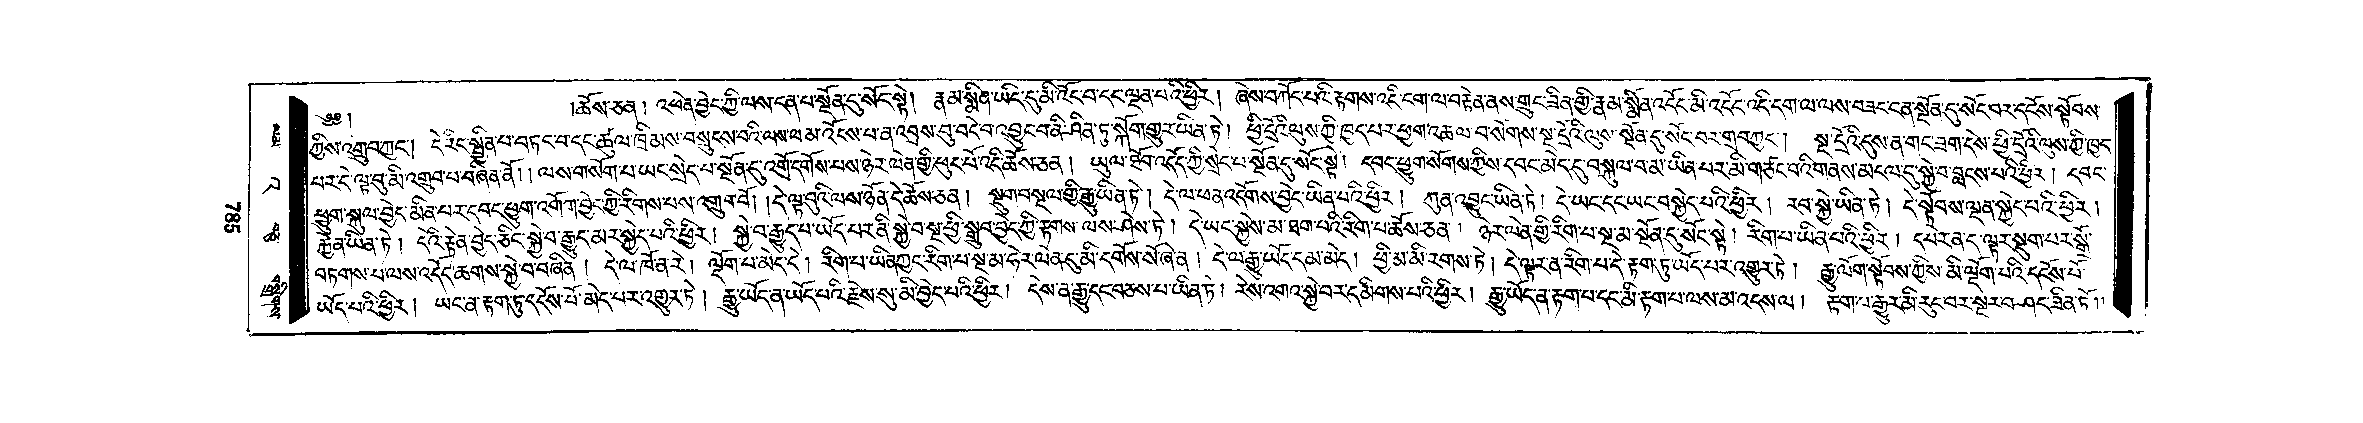༄༅། །ཆོས་ཅན། འཕེན་བྱེད་ཀྱི་ལས་ངན་པ་སྔོན་དུ་སོང་སྟེ། རྣམ་སྨིན་ཡིད་དུ་མི་འོང་བ་དང་ལྡན་པའི་ཕྱིར། ཞེས་བཀོད་པའི་རྟགས་འདི་ངག་ལ་བརྟེན་ནས་གྲུབ་ཟིན་གྱི་རྣམ་སྨིན་འདོད་མི་འདོད་འདི་དག་ལ་ལས་བཟང་ངན་སྔོན་དུ་སོང་བར་དངོས་སྟོབས་
ཀྱིས་འགྲུབ་ཀྱང་། དེ་རིང་སྦྱིན་པ་བཏང་བ་དང་ཚུལ་ཁྲིམས་བསྲུངས་པའི་ལས་ལ་མ་འོངས་པ་ན་འབྲས་བུ་བདེ་བ་འབྱུང་བ་ནི་ཤིན་ཏུ་སྐོག་གྱུར་ཡིན་ཏེ། ཕྱི་དྲོའི་ལུས་ཀྱི་ཁྱད་པར་ཕྱག་འཚལ་བ་སོགས་སྔ་དྲོའི་ལུས་སྔོན་དུ་སོང་བར་གྲབ་ཀྱང་། སྔ་དྲོའི་དུས་ན་གང་ཟག་དེས་ཕྱི་དྲོའི་ལུས་ཀྱི་ཁྱད་
པར་དེ་ལྟ་བུ་མི་འགྲུབ་པ་བཞིན་ནོ། །ལས་གསོག་པ་ཡང་སྲེད་པ་སྔོན་དུ་འགྲོ་དགོས་པས་ཉེར་ལེན་གྱི་ཕུང་པོ་འདི་ཆོས་ཅན། ཡུལ་ཐོབ་འདོད་ཀྱི་སྲེད་པ་སྔོན་དུ་སོང་སྟེ། དབང་ཕྱུག་སོགས་ཀྱིས་དབང་མེད་དུ་བསྐུལ་བ་མ་ཡིན་པར་མི་གཙང་བའི་གནས་མངལ་དུ་སྐྱེ་བ་བླངས་པའི་ཕྱིར། དབང་
ཕྱུག་སྐུལ་བྱེད་མིན་པར་དབང་ཕྱུག་འགོག་བྱེད་ཀྱི་རིགས་པས་འགྲུབ་བོ། །དེ་ལྟ་བུའི་ལས་ཉོན་དེ་ཆོས་ཅན། སྡུག་བསྔལ་གྱི་རྒྱུ་ཡིན་ཏེ། དེ་ལ་ཕན་འདོགས་བྱེད་ཡིན་པའི་ཕྱིར། ཀུན་འབྱུང་ཡིན་ཏེ། དེ་ཡང་དང་ཡང་བསྐྱེད་པའི་ཕྱིར། རབ་སྐྱེ་ཡིན་ཏེ། དེ་སྟོབས་ལྡན་སྐྱེད་པའི་ཕྱིར།
རྐྱེན་ཡིན་ཏེ། དེའི་རྟེན་བྱེད་ཅིང་སྐྱེ་བ་རྒྱུད་མར་སྐྱེད་པའི་ཕྱིར། སྐྱེ་བ་རྒྱུད་པ་ཡོད་པར་ནི་སྐྱེ་བ་སྔ་ཕྱི་སྒྲུབ་བྱེད་ཀྱི་རྟགས་ལས་ཤེས་ཏེ། དེ་ཡང་སྐྱེས་མ་ཐག་པའི་རིག་པ་ཆོས་ཅན། ཉེར་ལེན་གྱི་རིག་པ་སྔ་མ་སྔོན་དུ་སོང་སྟེ། རིག་པ་ཡིན་པའི་ཕྱིར། དཔེར་ན་ད་ལྟར་སྡུག་པར་སྒྲོ་
བཏགས་པ་ལས་འདོད་ཆགས་སྐྱེ་བ་བཞིན། དེ་ལ་ཁོ་ན་རེ། ལྡོག་པ་མེད་དེ། རིག་པ་ཡིན་ཀྱང་རིག་པ་སྔ་མ་ཧེར་ལེན་དུ་མི་དགོས་སོ་ཞེ་ན། དེ་ལ་རྒྱུ་ཡོད་དམ་མེད། ཕྱི་མ་མི་རགས་ཏེ། དེ་ལྟར་ན་རིག་པ་དེ་རྟག་ཏུ་ཡོད་པར་འགྱུར་ཏེ། རྒྱུ་ལོག་སྟོབས་ཀྱིས་མི་ལྡོག་པའི་དངོས་པོ་
ཡོད་པའི་ཕྱིར། ཡང་ན་རྟག་ཏུ་དངོས་པོ་མེད་པར་འགྱུར་ཏེ། རྒྱུ་ཡོད་ན་ཡོད་པའི་རྗེས་སུ་མི་བྱེད་པའི་ཕྱིར། དེས་ན་རྒྱུ་དང་བཅས་པ་ཡིན་ཏེ། རེས་འགའ་སྐྱེ་བར་དམིགས་པའི་ཕྱིར། རྒྱུ་ཡོད་ན་རྟག་པ་དང་མི་རྟག་པ་ལས་མ་འདས་ལ། རྟག་པ་རྒྱུར་མི་རུང་བར་སྔར་བཤད་ཟིན་ཏོ། །